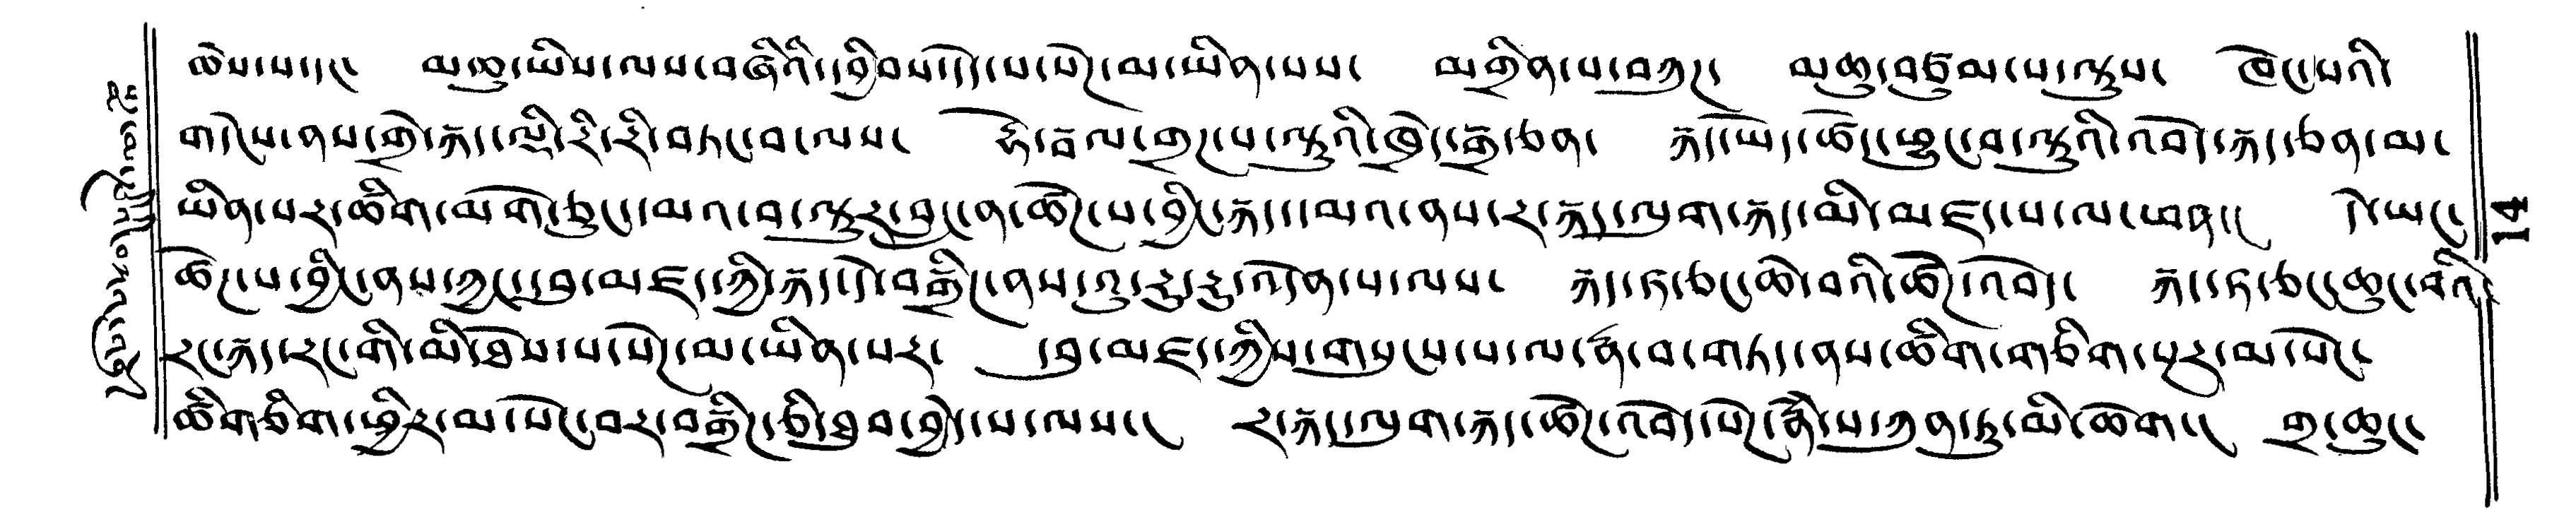ཆེས་པ་དང་། མཆུ་ཡིས་ལས་བཞིའི་དབྱིབས་བཏོད་པ་སོགས་མ་ཡིན་པས། མགྲིན་པ་བཀུགས། མཆུ་བཙུམ་པ་ལྟ་བུས། ཁོང་པའི་
གདིང་ནས་གྲེ་སྐད་ལྡི་རི་རི་གཏོང་བ་ལས། རྡོ་སྦལ་གྲགས་པ་ལྟ་བུའི་ཁྲག་སྒྲ་ཅན། སྐད་ཡོད་ཚོད་ཕྱུངས་བ་ལྟ་བུའི་འབོད་སྐད་ཅན་མ་
ཡིན་པར་ཚིག་འགོ་ཅུང་དམའ་བ་ལྟ་བུར་བླངས་ན་ཚོགས་པ་བྱིང་སྐད་དམའ་ནས་ར་སྐད་ལུག་སྐད་མི་མཛད་པ་ལ་ཕན། དེ་ཡང་
ཚོགས་པ་བྱིངས་ནས་ཀྱང་དབུ་མཛད་ཀྱི་སྐད་དེར་བསྒྲིགས་ནས་འུ་རུ་རུ་འདོན་པ་ལས། སྐད་ཧ་ཅང་ཆེ་བའི་ཚོགས་འབོད། སྐད་ཧ་ཅང་ཆུང་བའི་
རང་སྐད་རང་གི་མི་ཐོས་པ་སོགས་མ་ཡིན་པར། དབུ་མཛད་ཀྱིས་གསུངས་པ་ལ་རྣ་བ་གཏད་ནས་ཚིག་གཅིག་སྔར་མ་སོང་། 
ཚིག་གཅིག་ཕྱིར་མ་སོང་བར་སྒྲིག་ཅི་ཐུབ་བྱེད་པ་ལས། ར་སྐད་ལུག་སྐད་ཚོགས་འབོད་སོགས་རྣམ་པ་ཀུན་ཏུ་མི་ཆོག གྲྭ་ཆུང་